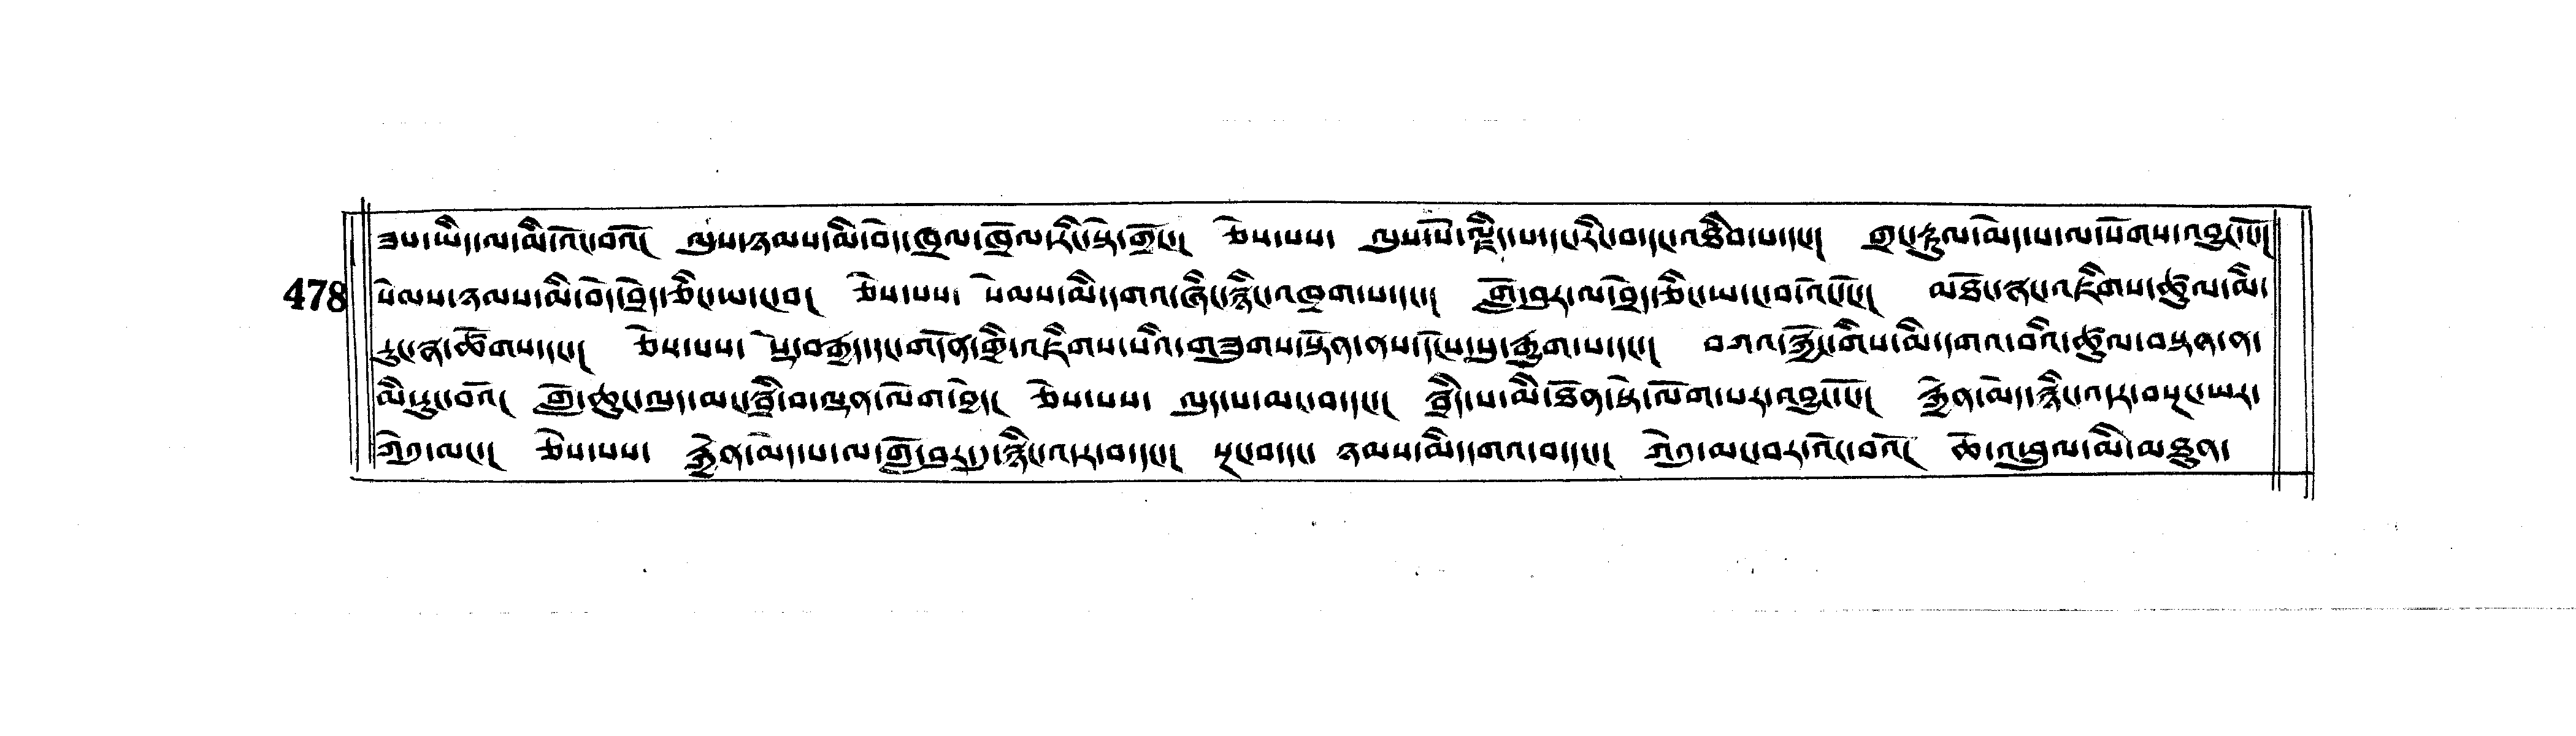ཟས་ཡིད་ལ་མི་འོང་བའོ། ལུས་ཉམས་མི་བདེ་ཁྲལ་ཁྲོལ་རིང་སྟེ་གྲོང་། ཅེས་པས། ལུས་པོ་ལྗིད་པ་དང་རིང་བ་དང་འཐིབ་པ་དང་། གྲང་རྟུལ་མེད་པ་ལ་སོགས་འབྱུང་ངོ་། 
སེམས་ཉམས་མི་བདེ་བྱེད་ཅིང་ཡ་ང་བ། ཅེས་པས། སེམས་མི་བདེ་ཞིང་སྙིང་འཁྲག་པ་དང་། གློ་བུར་ལ་བྲེད་ཅིང་ཡ་ང་བ་འོང་ངོ་། མཐོང་སྣང་འཇིགས་ཚུལ་མི་
རུང་སྣ་ཚོགས་ངང་། ཅེས་པས། སྡེ་བརྒྱད་དང་གདོན་གྱི་འཇིགས་པའི་གཟུགས་སྟོན་ནས་དངོས་སུ་རྒྱུག་པ་དང་། བཀའ་སྐྱོང་གིས་མི་དགའ་བའི་ཚུལ་སྟོན་ན་
མི་རུང་བའོ། གློ་ཆུང་ལུད་མང་སྦྲི་བ་ལྡན་ལོག་བྱེད། ཅེས་པས། ལུད་པ་མང་བ་དང་། སྦྲིད་པ་མི་ཐོན་ཏེ་ལོག་པར་འབྱུང་ངོ་། རྐྱེན་མེད་སྙིང་འདར་བསྔང་ཡར་
ཀེའུ་མང་། ཅེས་པས། རྐྱེན་མེད་པ་ལ་གློ་བུར་དུ་སྙིང་འདར་བ་དང་། སྔང་བ་དང་ཉམས་མི་དགའ་བ་དང་། ཀེའུ་མང་བར་འོང་ངོ་། ཆོ་འཕྲུལ་མི་མཐུན་